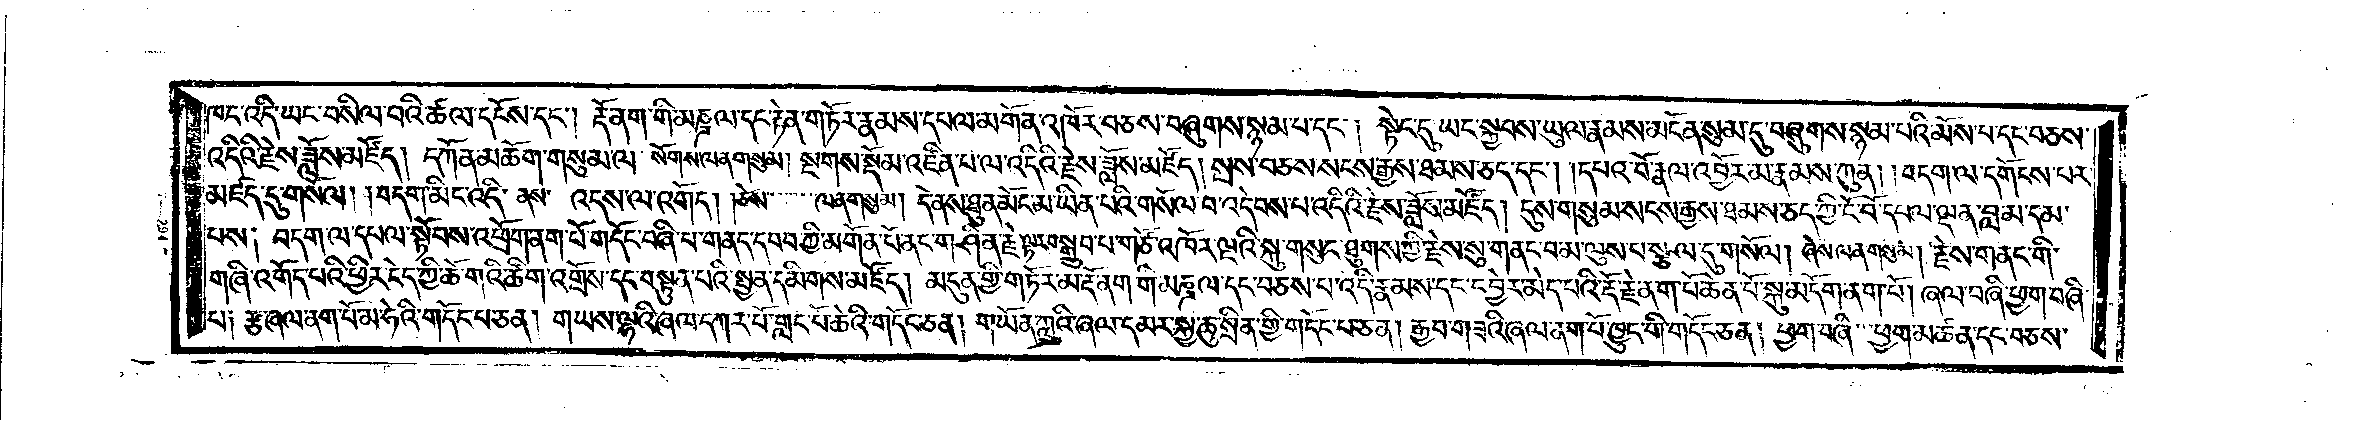ཁང་འདི་ཡང་བསིལ་བའི་ཚལ་དངོས་དང་། རྡོ་ནང་གི་མཎྜལ་དང་རྟེན་གཏོར་རྣམས་དཔལ་མགོན་འཁོར་བཅས་བཞུགས་སྙམ་པ་དང་། སྟེང་དུ་ཡང་སྐྱབས་ཡུལ་རྣམས་མངོན་སྩལ་དུ་བཞུགས་སྙམ་བུའི་མོས་པ་དང་བཅས་
འདིའི་རྗེས་ཟློས་མཛོད། དཀོན་མཆོག་གསུམ་ལ་སོགས་ལན་གསུམ། སྔགས་སྡོམ་འཛིན་པ་ལ་འཛིའི་རྗེས་བཟློས་མཛོད། སྲས་བཅས་སངས་རྒྱས་ཐམས་ཅད་དང་། །དཔའ་བོ་རྣལ་འབྱོར་མ་རྣམས་ཀུན། །བདག་ལ་དགོངས་པར་
མཛད་དུ་གསོལ། །བདག་མིང་འདི་ནས་འདས་ལ་འགོད། །ཅེས་ལན་གསུམ།  དེ་ནས་ཐུན་མོང་མ་ཡིན་པའི་གསོལ་བ་འདེབས་པ་འདིའི་རྗེས་ཟློས་མཛོད། དུས་གསུམ་སངས་རྒྱས་ཐམས་ཅད་ཀྱི་ངོ་བོ་དཔལ་ལྡན་བླ་མ་དམ་
པས། བདག་ལ་དཔལ་སྟོབས་འཕྲོག་ནག་པོ་གདོང་བཞི་པ་གནད་དབབ་ཀྱི་མགོན་པོ་ནང་གཤིན་རྗེ་ལྟར་བསྒྲུབ་པ་གཙོ་འཁོར་ལྔའི་སྐུ་གསུང་ཐུགས་ཀྱི་རྗེས་སུ་གནང་བ་མ་ལུས་པ་སྩལ་དུ་གསོལ། ཞེས་ལན་གསུམ།  རྗེས་གནང་གི་
གཞི་འགོད་པའི་ཕྱིར་ངེད་ཀྱི་ཆོ་གའི་ཚིག་འགྲོས་དང་བསྟུན་པའི་སྤྱན་དམིགས་མཛོད། མདུན་གྱི་གཏོར་མ་རྡོ་ནག་གི་མཎྜལ་ལ་དང་བཅས་པ་འདི་རྣམས་དང་དབྱེར་མེད་པའི་རྡོ་རྗེ་ནག་པོ་ཆེན་པོ་སྐུ་མདོག་ནག་པོ། ཞལ་བཞི་ཕྱག་བཞི་
པ༑ རྩ་ཞལ་ནག་པོ་མ་ཧེའི་གདོང་པ་ཅན། གཡས་ལྷའི་ཞལ་དཀར་པོ་གླང་པོ་ཆེའི་གདོང་ཅན། གཡོན་ཀླུའི་ཞལ་དམར་སྐྱ་ཆུ་སྲིན་གྱི་གདོང་པ་ཅན། རྒྱབ་གཟའ་ཞལ་ནག་པོ་ཁྱུང་གི་གདོང་ཅན། ཕྱག་བཞི་ཕྱག་མཚན་དང་བཅས་